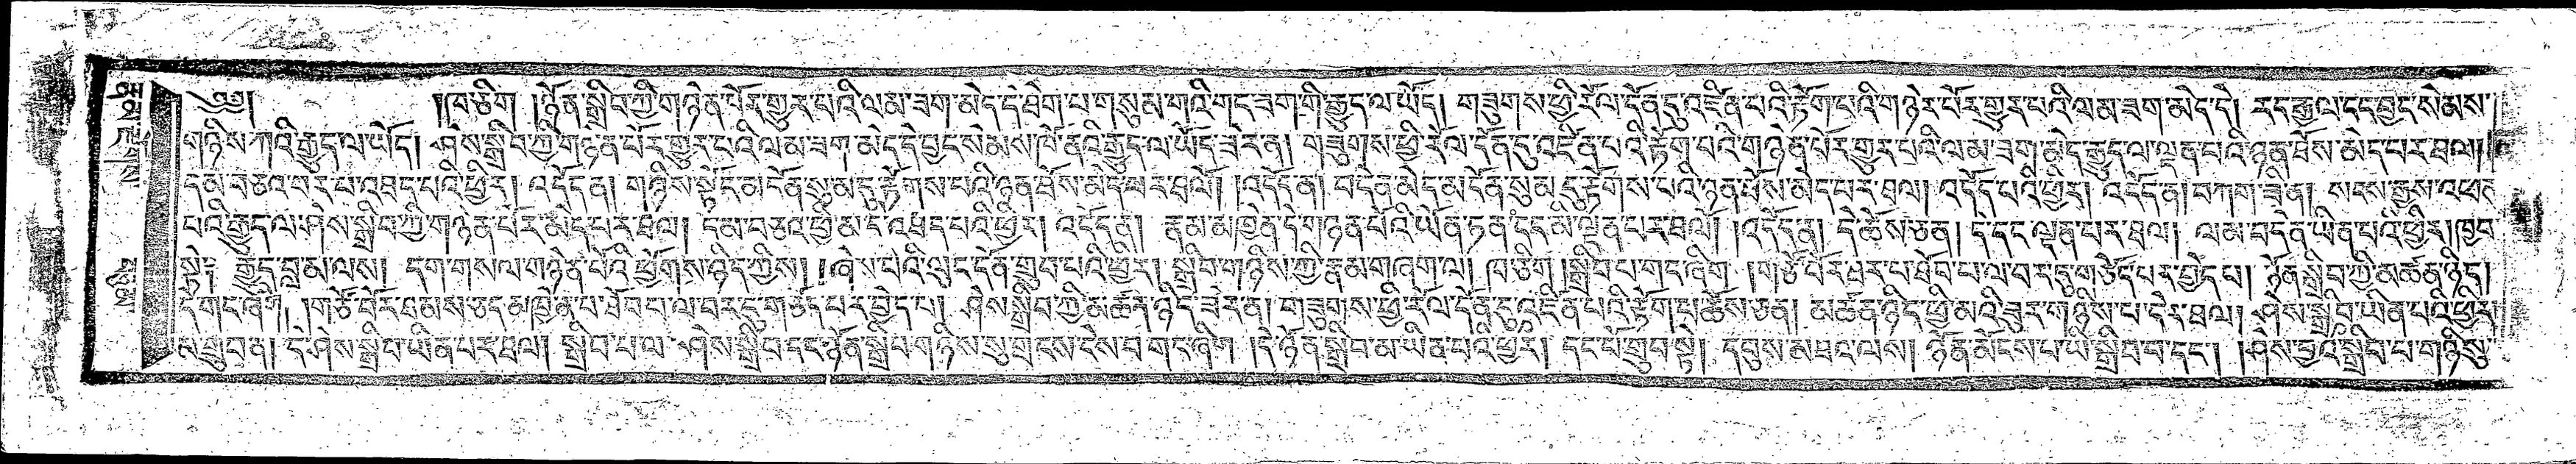༄༅། །ཁ་ཅིག །ཉོན་སྒྲིབ་ཀྱི་གཉེན་པོར་གྱུར་པའི་ལམ་ཟག་མེད་དེ་ཐེག་པ་གསུམ་གའི་གང་ཟག་གི་རྒྱུད་ལ་ཡོད། གཟུགས་ཕྱི་རོལ་དོན་དུ་འཛིན་པའི་རྟོག་པའི་གཉེར་པོར་གྱུར་པའི་ལམ་ཟག་མེད་དེ། རང་རྒྱལ་དང་བྱང་སེམས་
གཉིས་ཀའི་རྒྱུད་ལ་ཡོད། ཤེས་སྒྲིབ་ཀྱི་གཉེན་པོར་གྱུར་པའི་ལམ་ཟག་མེད་དེ་བྱང་སེམས་ཁོ་ནའི་རྒྱུད་ལ་ཡོད་ཟེར་ན། གཟུགས་ཕྱི་རོལ་དོན་དུ་འཛིན་པའི་རྟོག་པའི་གཉེན་པོར་གྱུར་པའི་ལམ་ཟག་མེད་རྒྱུད་ལ་ལྡན་པའི་ཉན་ཐོས་མེད་པར་ཐལ།
དམ་བཅའ་བར་པ་འཐད་པའི་ཕྱིར། འདོད་ན། གཉིས་སྟོང་མངོན་སུམ་དུ་རྟོགས་པའི་ཉན་ཐོས་མེད་པར་ཐལ་ལོ། །འདོད་ན། བདེན་མེད་མངོན་སུམ་དུ་རྟོགས་པའི་ཉན་ཐོས་མེད་པར་ཐལ། འདོད་པའི་ཕྱིར། འདོད་ན། བཀག་ཟིན། སངས་རྒྱས་འཕགས་
པའི་རྒྱུད་ལ་ཤེས་སྒྲིབ་ཀྱི་གཉེན་པོར་མེད་པར་ཐལ། དམ་བཅའ་ཕྱི་མ་དེ་འཐད་པའི་ཕྱིར། འདོད་ན། རྣམ་མཁྱེན་དེ་གཉེན་པོའི་ཡོན་ཏན་དང་མི་ལྡན་པར་ཐལ་ལོ། །འདོད་ན། དེ་ཆོས་ཅན། དེ་དང་ལྡན་པར་ཐལ། ལམ་བདེན་ཡིན་པའི་ཕྱིར། ཁྱབ་
སྟེ༑ རྒྱུད་བླ་མ་ལས། དག་གསལ་གཉེན་པོའི་ཕྱོགས་ཉིད་ཀྱིས། །ཞེས་པའི་ལུང་དོན་གྲུབ་པའི་ཕྱིར། སྒྲིབ་གཉིས་ཀྱི་རྣམ་གཞག་ལ། ཁ་ཅིག །སྒྲིབ་པ་གང་ཞིག །གཙོ་བོར་ཐར་པ་ཐོབ་པ་ལ་བར་དུ་གཙོད་པར་བྱེད་པ། ཉོན་སྒྲིབ་ཀྱི་མཚན་ཉིད།
དེ་གང་ཞིག །གཙོ་བོར་ཐམས་ཅད་མཁྱེན་པ་ཐོབ་པ་ལ་བར་དུ་གཅོད་པར་བྱེད་པ། ཤེས་སྒྲིབ་ཀྱི་མཚན་ཉིད་ཟེར་ན། གཟུགས་ཕྱི་རོལ་དོན་དུ་འཛིན་པའི་རྟོག་པ་ཆོས་ཅན། མཚན་ཉིད་ཕྱི་མའི་ཟུར་གཉིས་པ་དེར་ཐལ། ཤེས་སྒྲིབ་ཡིན་པའི་ཕྱིར།
མ་གྲུབ་ན། དེ་ཤེས་སྒྲིབ་ཡིན་པར་ཐལ། སྒྲིབ་པ་ལ་ཤེས་སྒྲིབ་དང་ཉོན་སྒྲིབ་གཉིས་སུ་གྲངས་ངེས་པ་གང་ཞིག །དེ་ཉོན་སྒྲིབ་མ་ཡིན་པའི་ཕྱིར། དང་པོ་གྲུབ་སྟེ། དབུས་མཐའ་ལས། ཉོན་མོངས་པ་ཡི་སྒྲིབ་པ་དང་། །ཤེས་བྱའི་སྒྲིབ་པ་གཉིས་སུ་